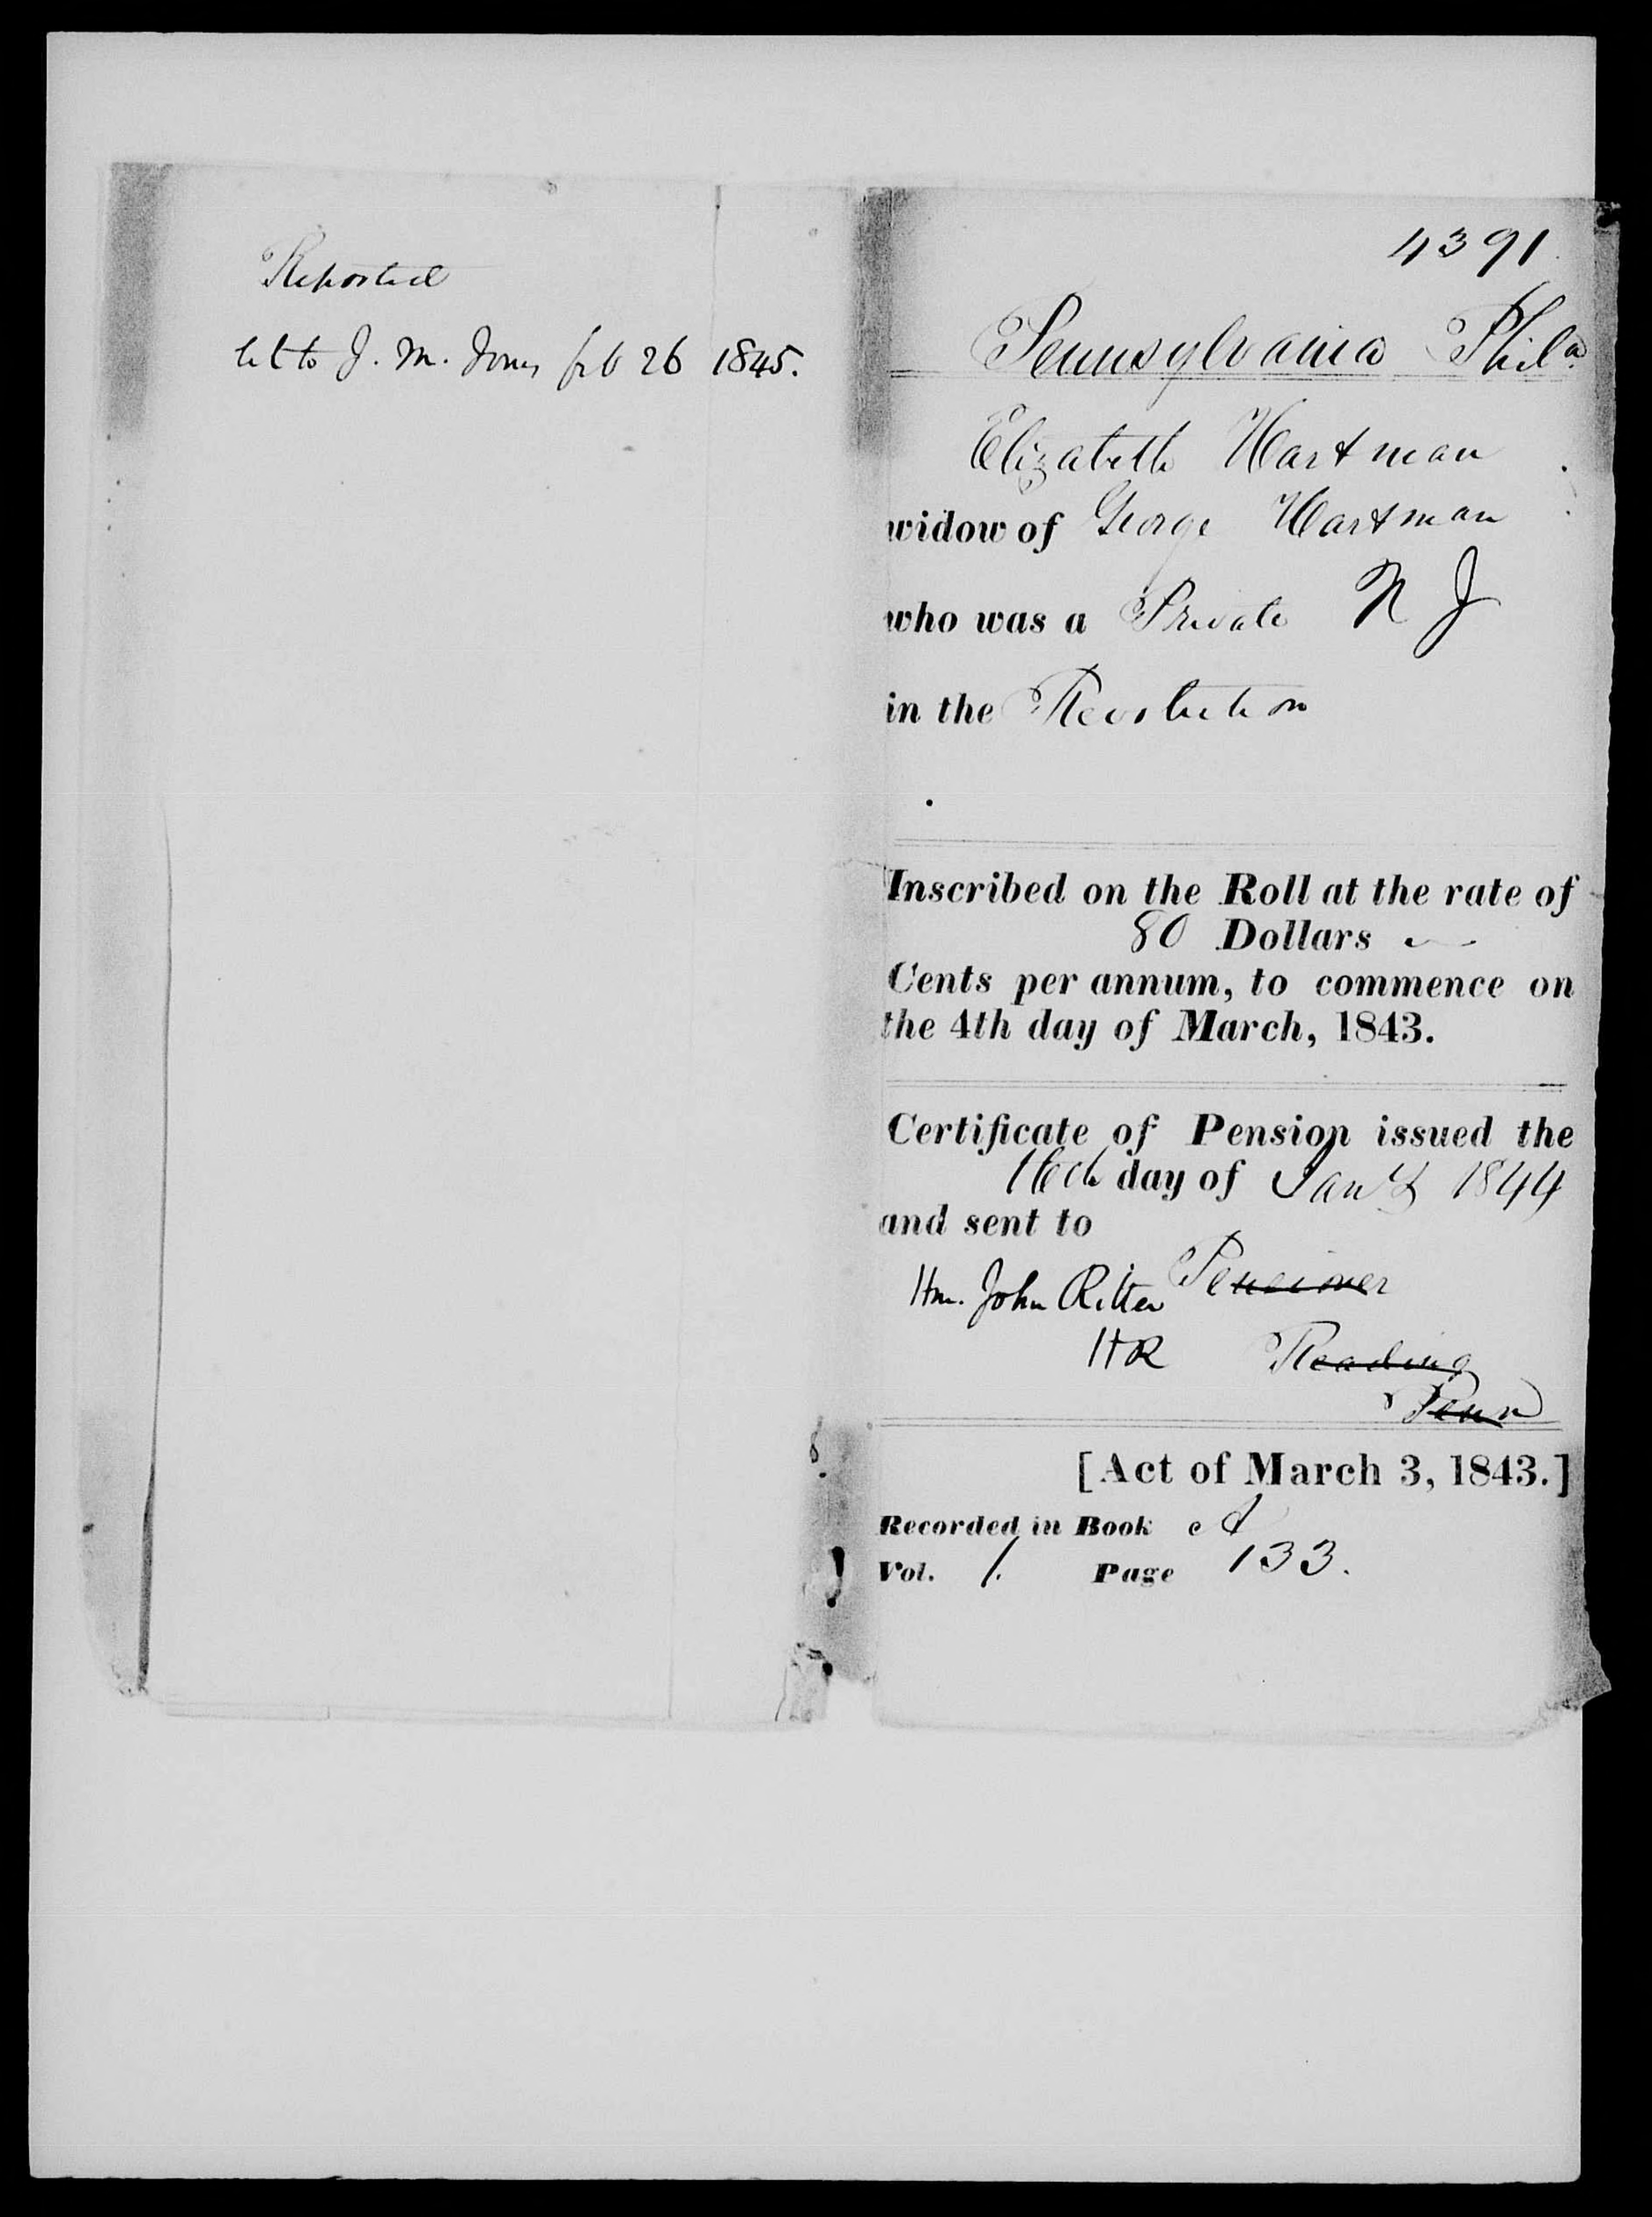Reported | 4391
[illegible] J. M. Jones Feb 26 1845. | Pennsylvania Phila
Elizabeth Hartman
widow of George Hartman
who was a Private NJ
in the Revolution
Inscribed on the Roll at the rate of
80 Dollars 00
Cents per annum, to commence on
the 4th day of March, 1843
Certificate of Pension issued the
16th day of Jany 1844
and sent to
Hon John Ritter [crossed out]
HR [crossed out]
[crossed out]
[Act of March 3, 1843]
Recorded in Book A
Vol 1 Page 133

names: George Hartman, J M Jones, John Ritter, Elizabeth Hartman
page: 3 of 29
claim: widow's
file: W. 2,789, George Hartman, New Jersey